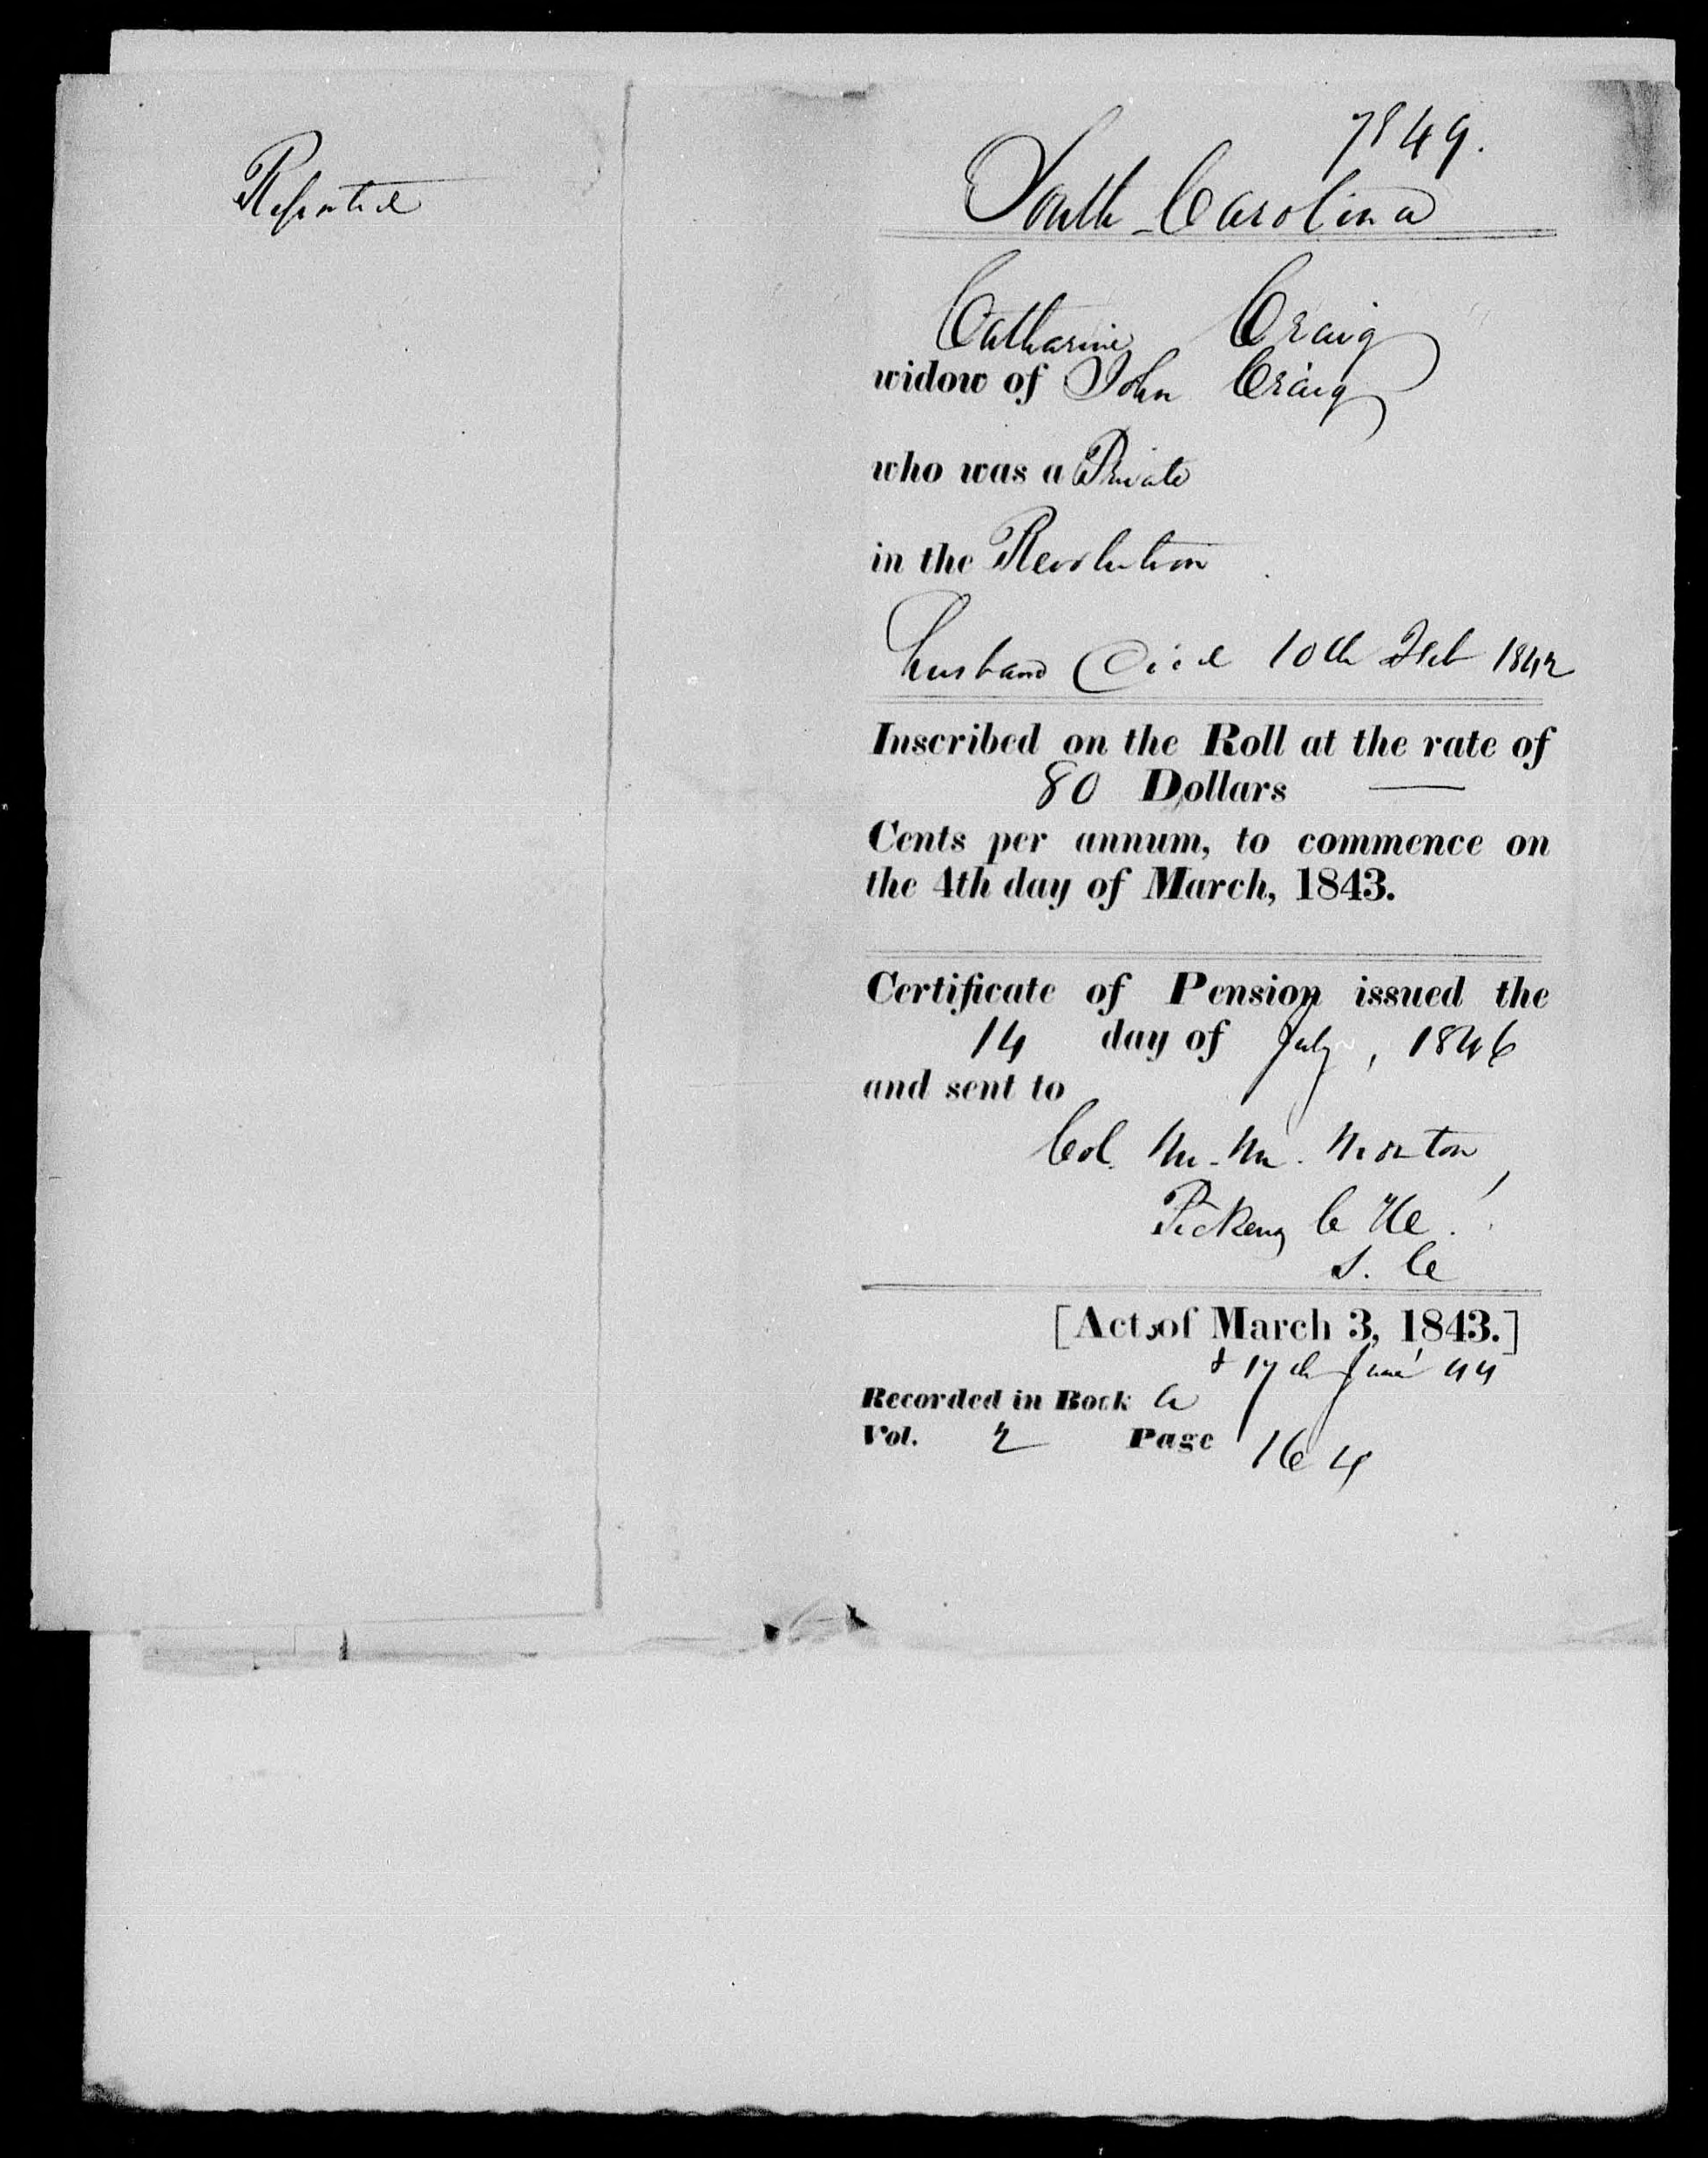(left)
Refuted

(right) 7849
South Carolina
Catharine Craig 
widow of John Craig
who was a Private
in the Revolution
husband died 10th Feb 1842

Inscribed on the Roll at the rate of
80 Dollars
- Cents per annum. to commence on the 
4th day of March, 1843.

Certificate of Pension issued the 14 day of July, 1846 and sent to
Col. M. M. Norton
Pickens C. US.
S. C

[Act of March 3, 1843.]
& 7th June '44
Recorded in Book A Vol. 2 Page 164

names: M M Norton, John Craig, Catharine Craig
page: 18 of 55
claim: widow's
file: W. 22864, John Craig, S.C. Born In Iceland